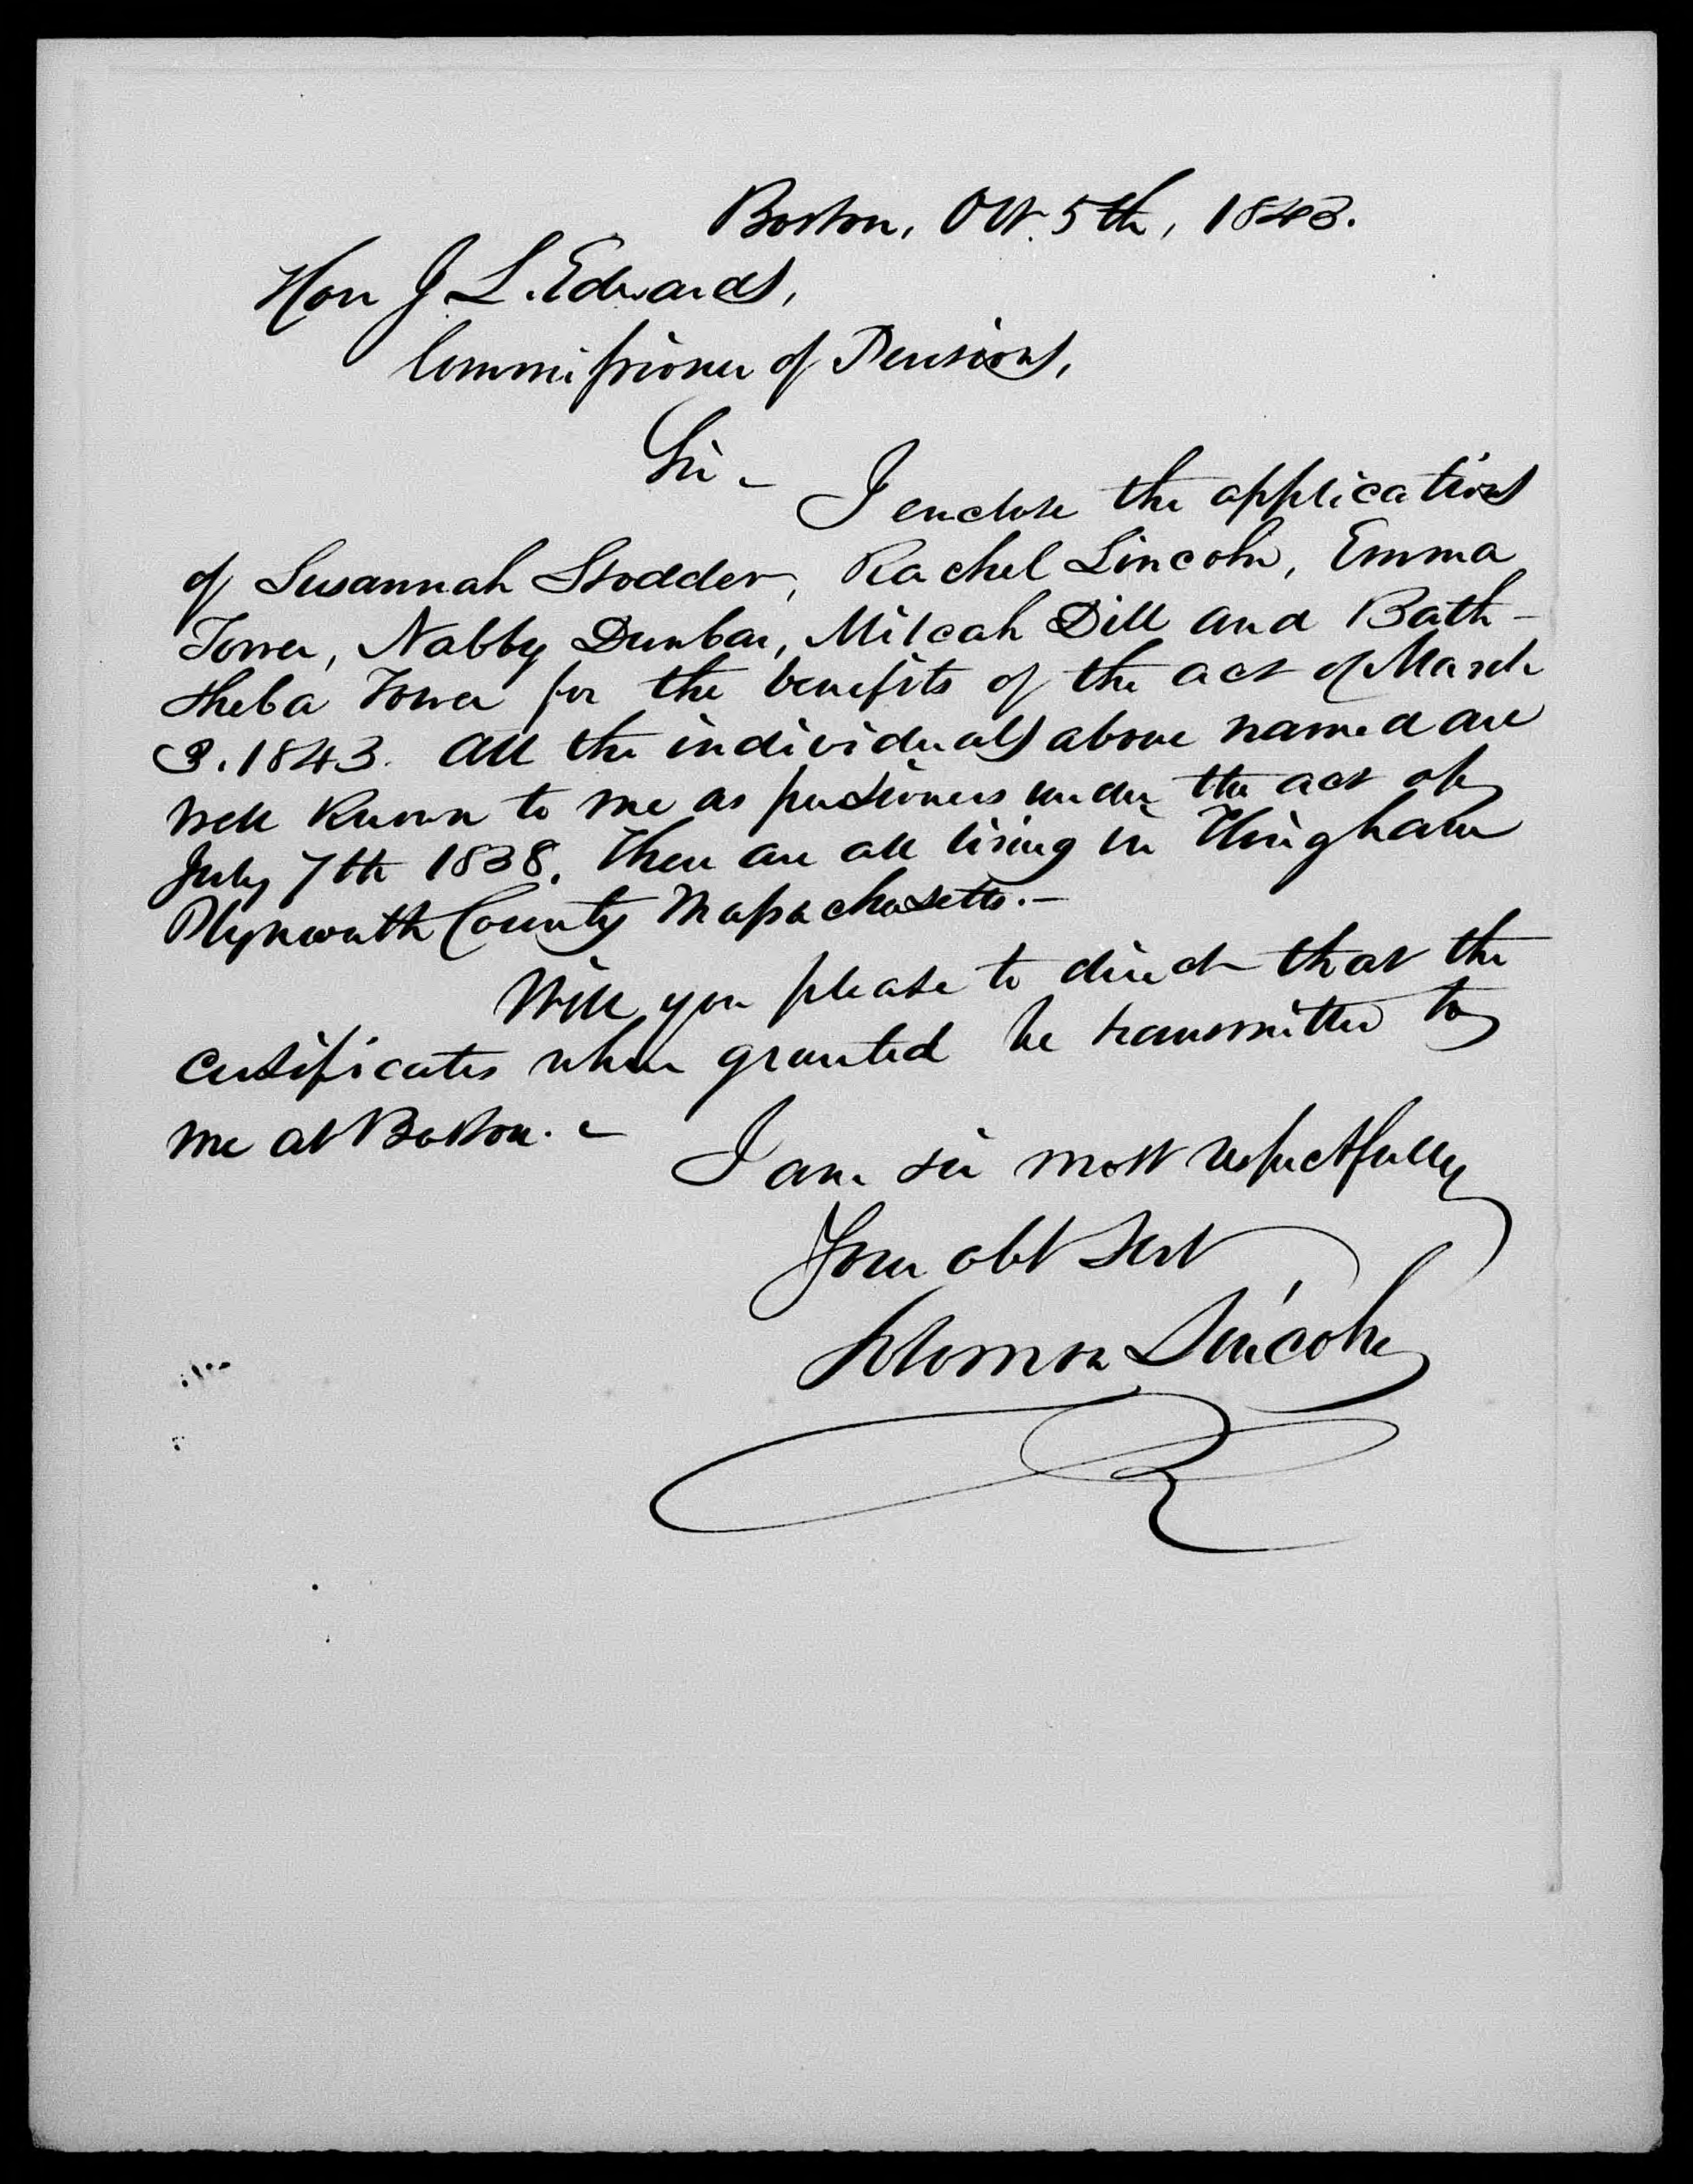Boston, Oct. 5th 1843

Hon. J. L. Edwards 
Commissioner of Pensions

Sir:

I enclose the applications of Susannah Stodder, Rachel Lincoln, Emma Tower, Nabby Dunbar, Milcah Dill, and Bathsheba Tower for the benefits of the act of March 3, 1843.  All the individuals above named are well known to me as pensioners under the act of July 7th 1838.  They are all living in Hingham Plymouth County Massachusetts.

Will you please to direct that the certificates when granted be transmitted to me at Boston?

I ma most respectfully
Your obedient servant
Solomon Lincoln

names: Nabby Dunbar, Milcah Dill, Bathsheba Tower, Solomon Lincoln, J L Edwards, Emma Tower, Susannah Stodder, Rachel Lincoln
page: 26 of 26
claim: widow's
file: W. 14657, Melzar Dunbar, Mass.